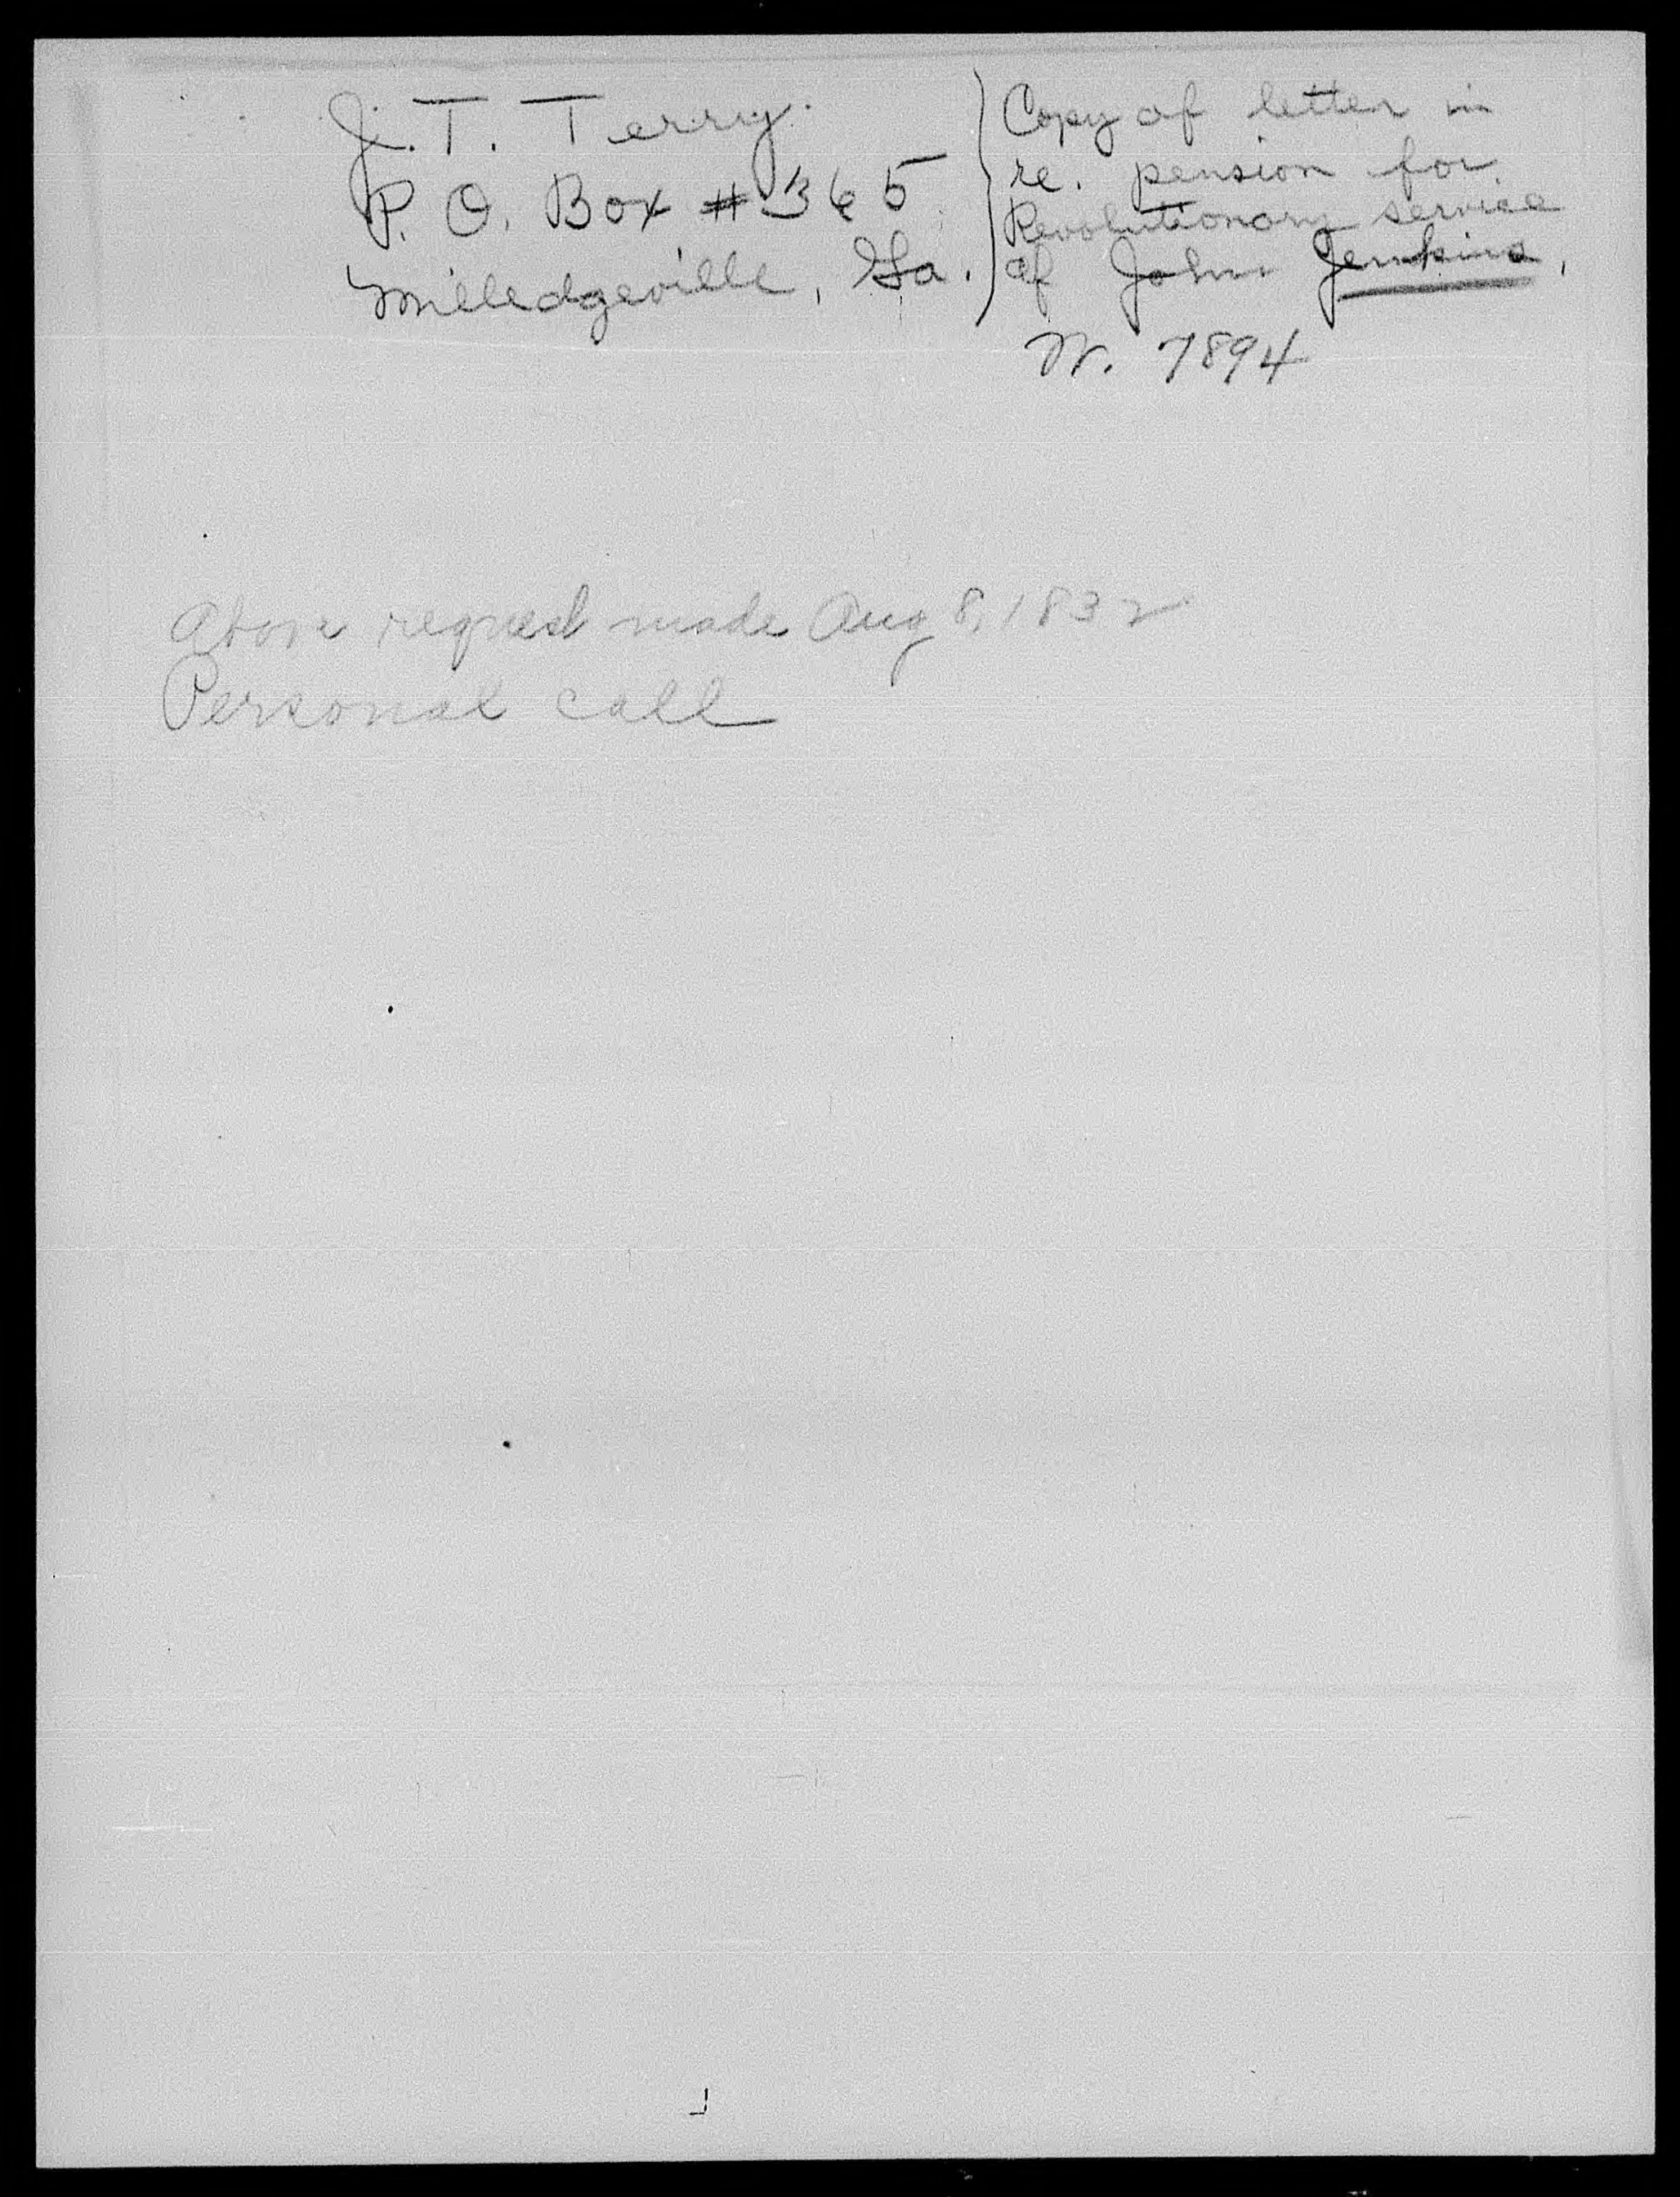J. T. Terry P. O. Box #365 Milledgeville, Ga Copy of letter in re. pension for Revolutionary service of John Jenkins W. 7894
Above request made Aug 8, 1832 Personal call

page: 54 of 55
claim: widow's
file: W. 7894, for John Jenkins, Virginia